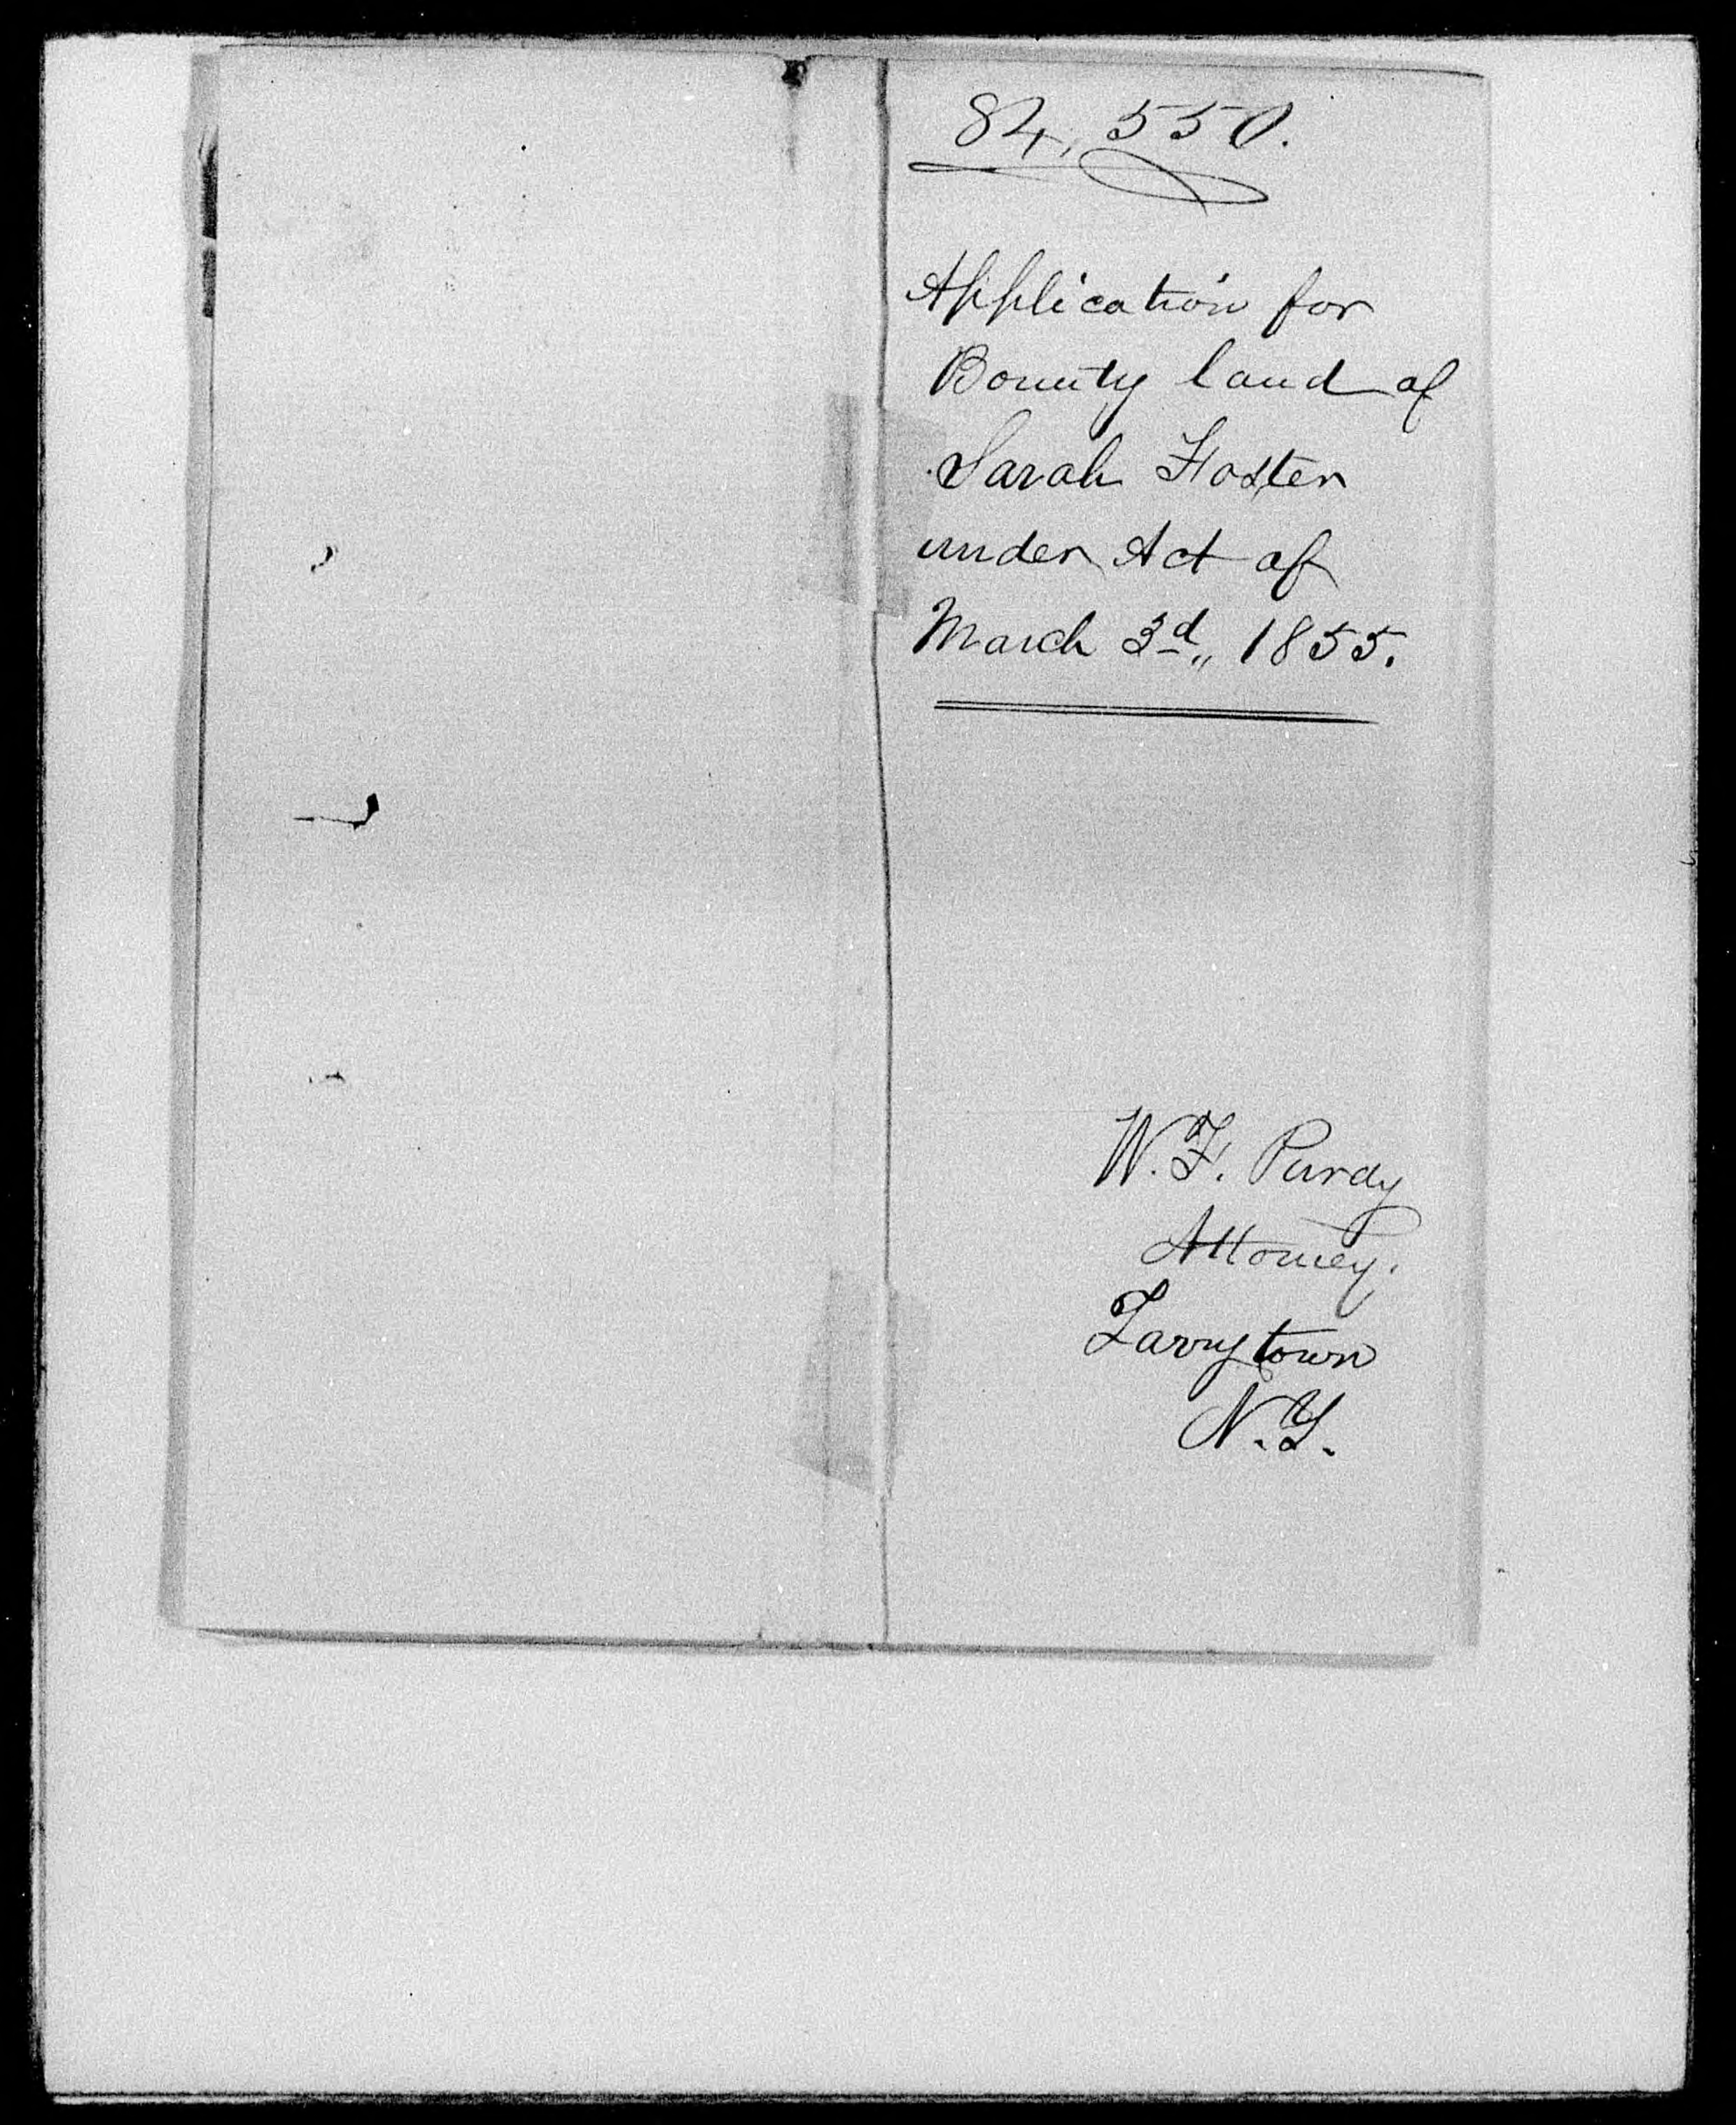84.550
___________________________

Application for
Bounty land of
Sarah Foster
under Act of
March 3d, 1855.
_____________________



W. F. Purdy
Attorney
Tarrytown
N. Y.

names: W F Purdy, Sarah Foster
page: 20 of 57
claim: widow's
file: W. 5275 1/2, Michael Foster, Penn.